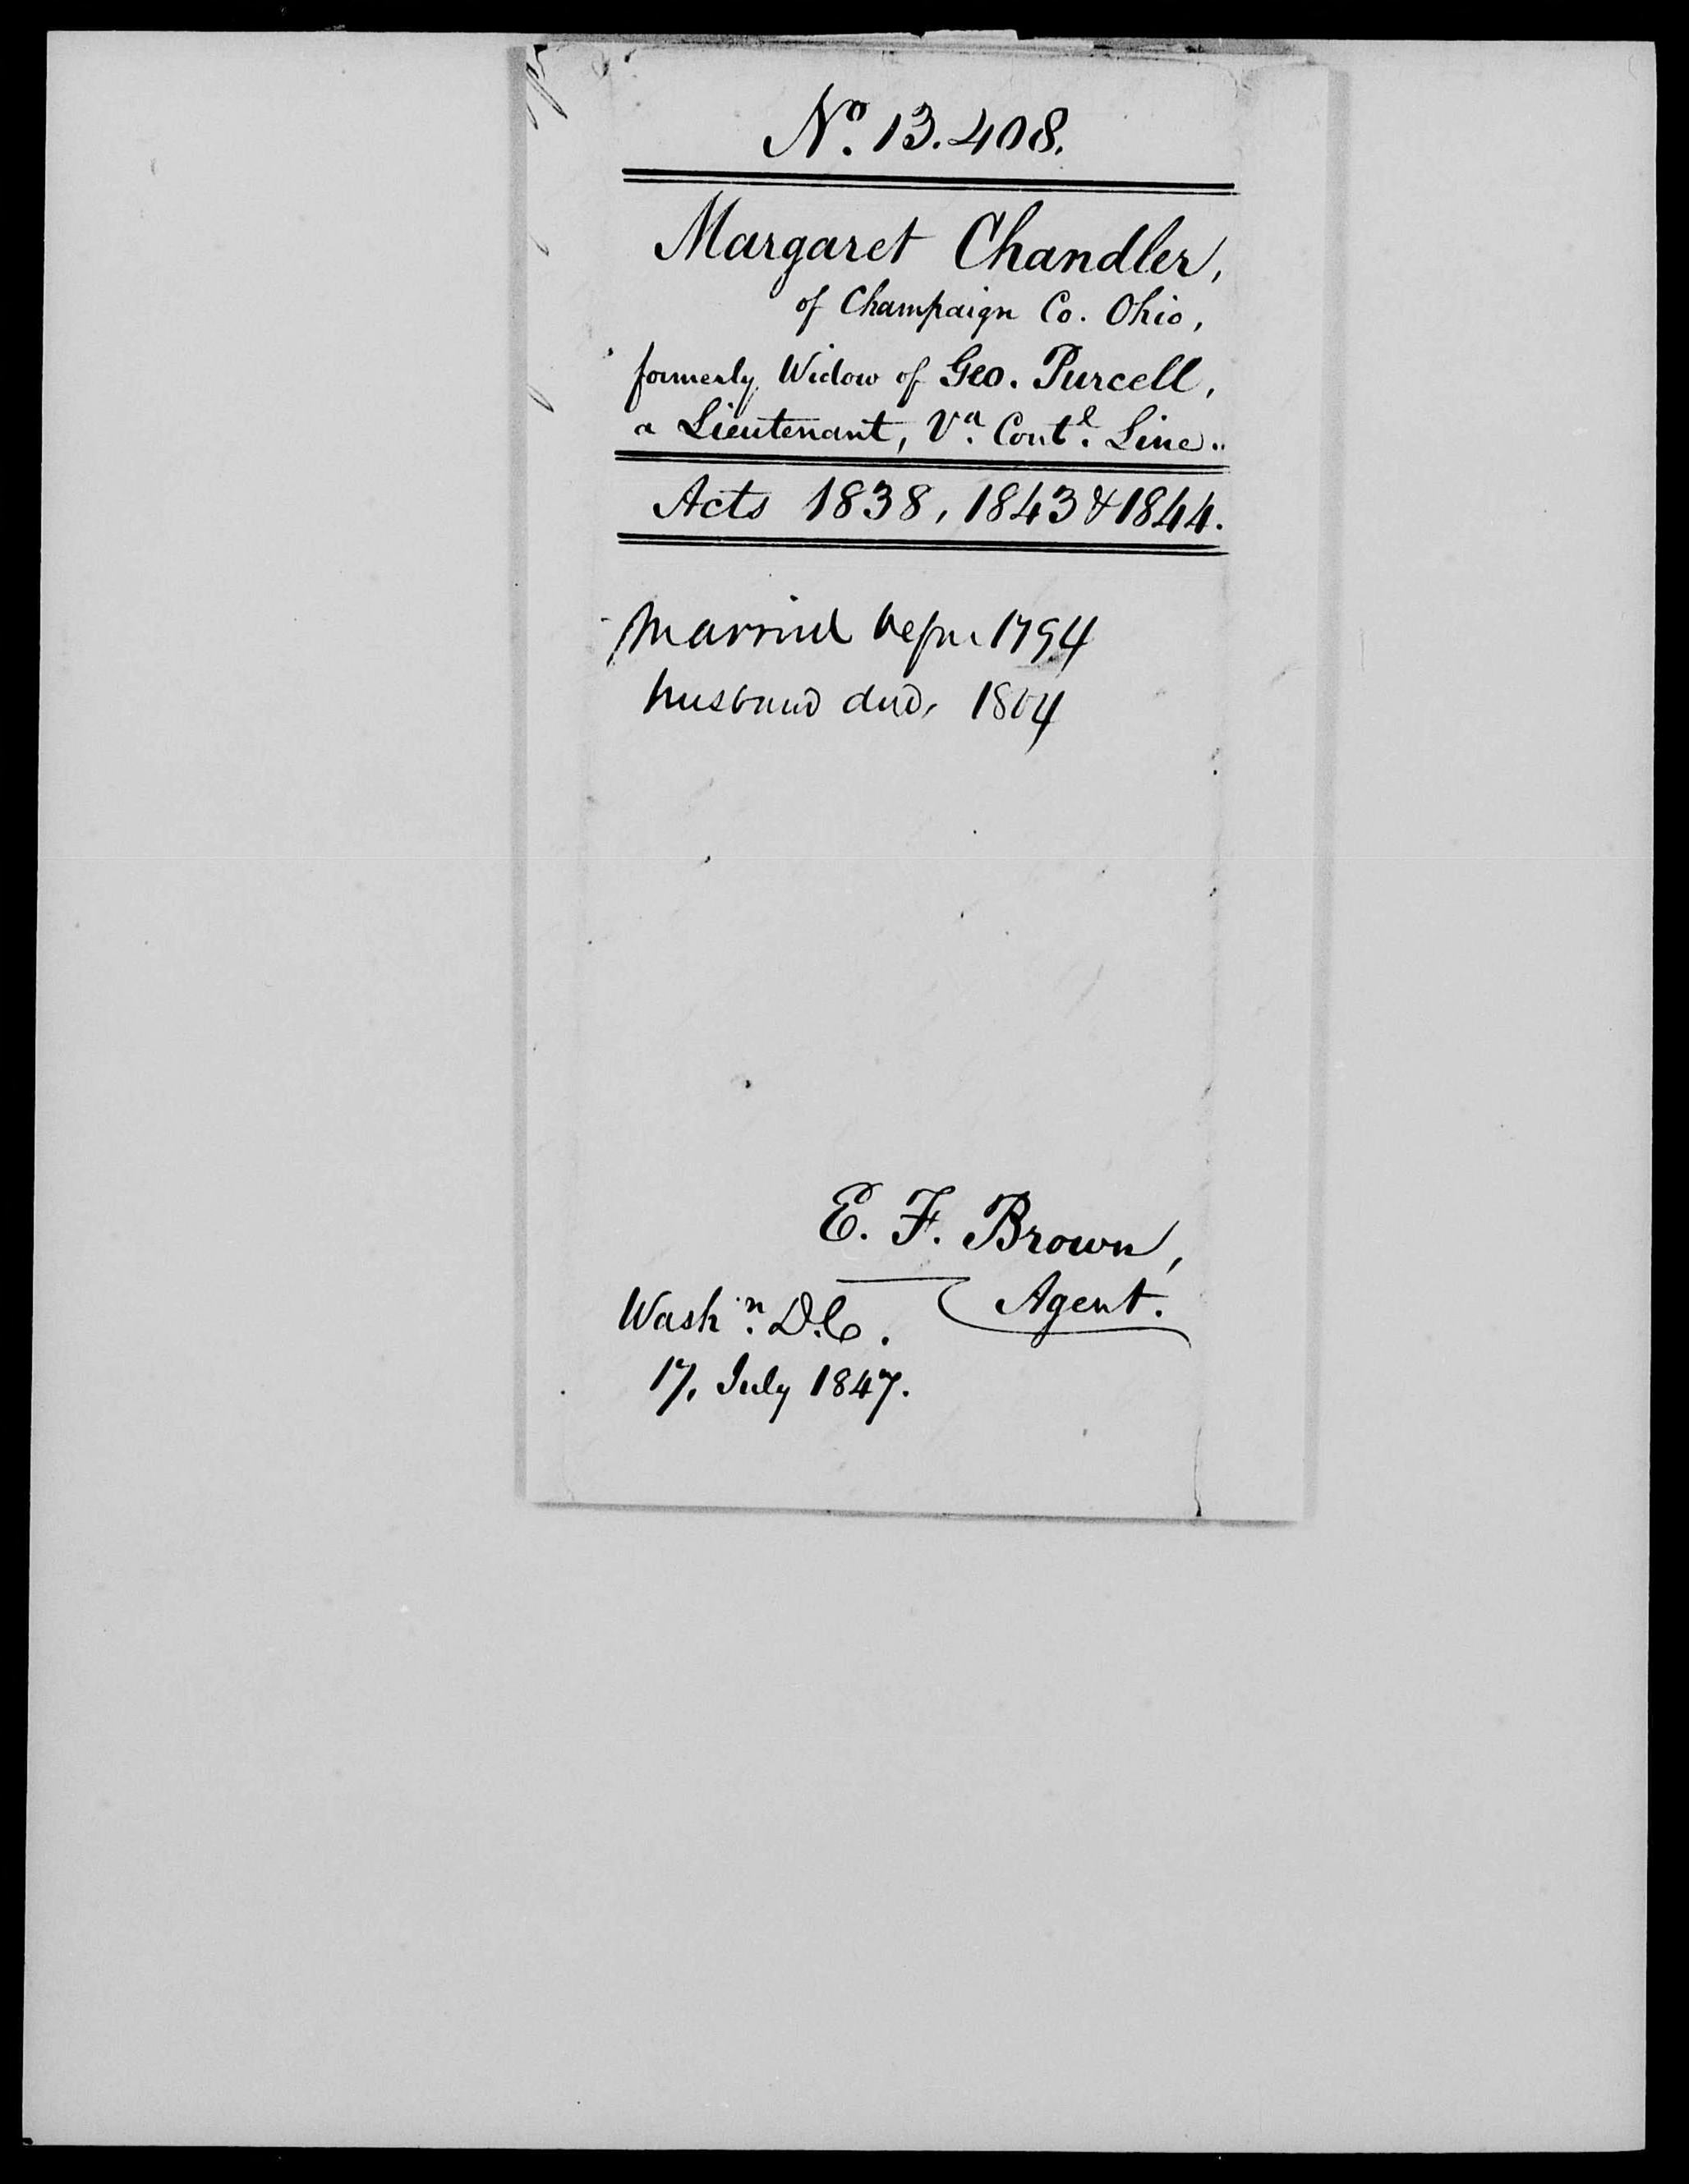No. 13,408.
Margaret Chandler,
of Champaign Co. Ohio,
formerly Widow of Ge. Purcell,
a Lieutenant, Va. Contl. Line.

Acts 1838, 1843 & 1844.

Married Sepm 1794
husband died. 1804

E. F. Brown,
Agent.
Washn. D.C.
17, July 1847.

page: 3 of 86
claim: widow's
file: W. 6661, for George Purcell, Virginia